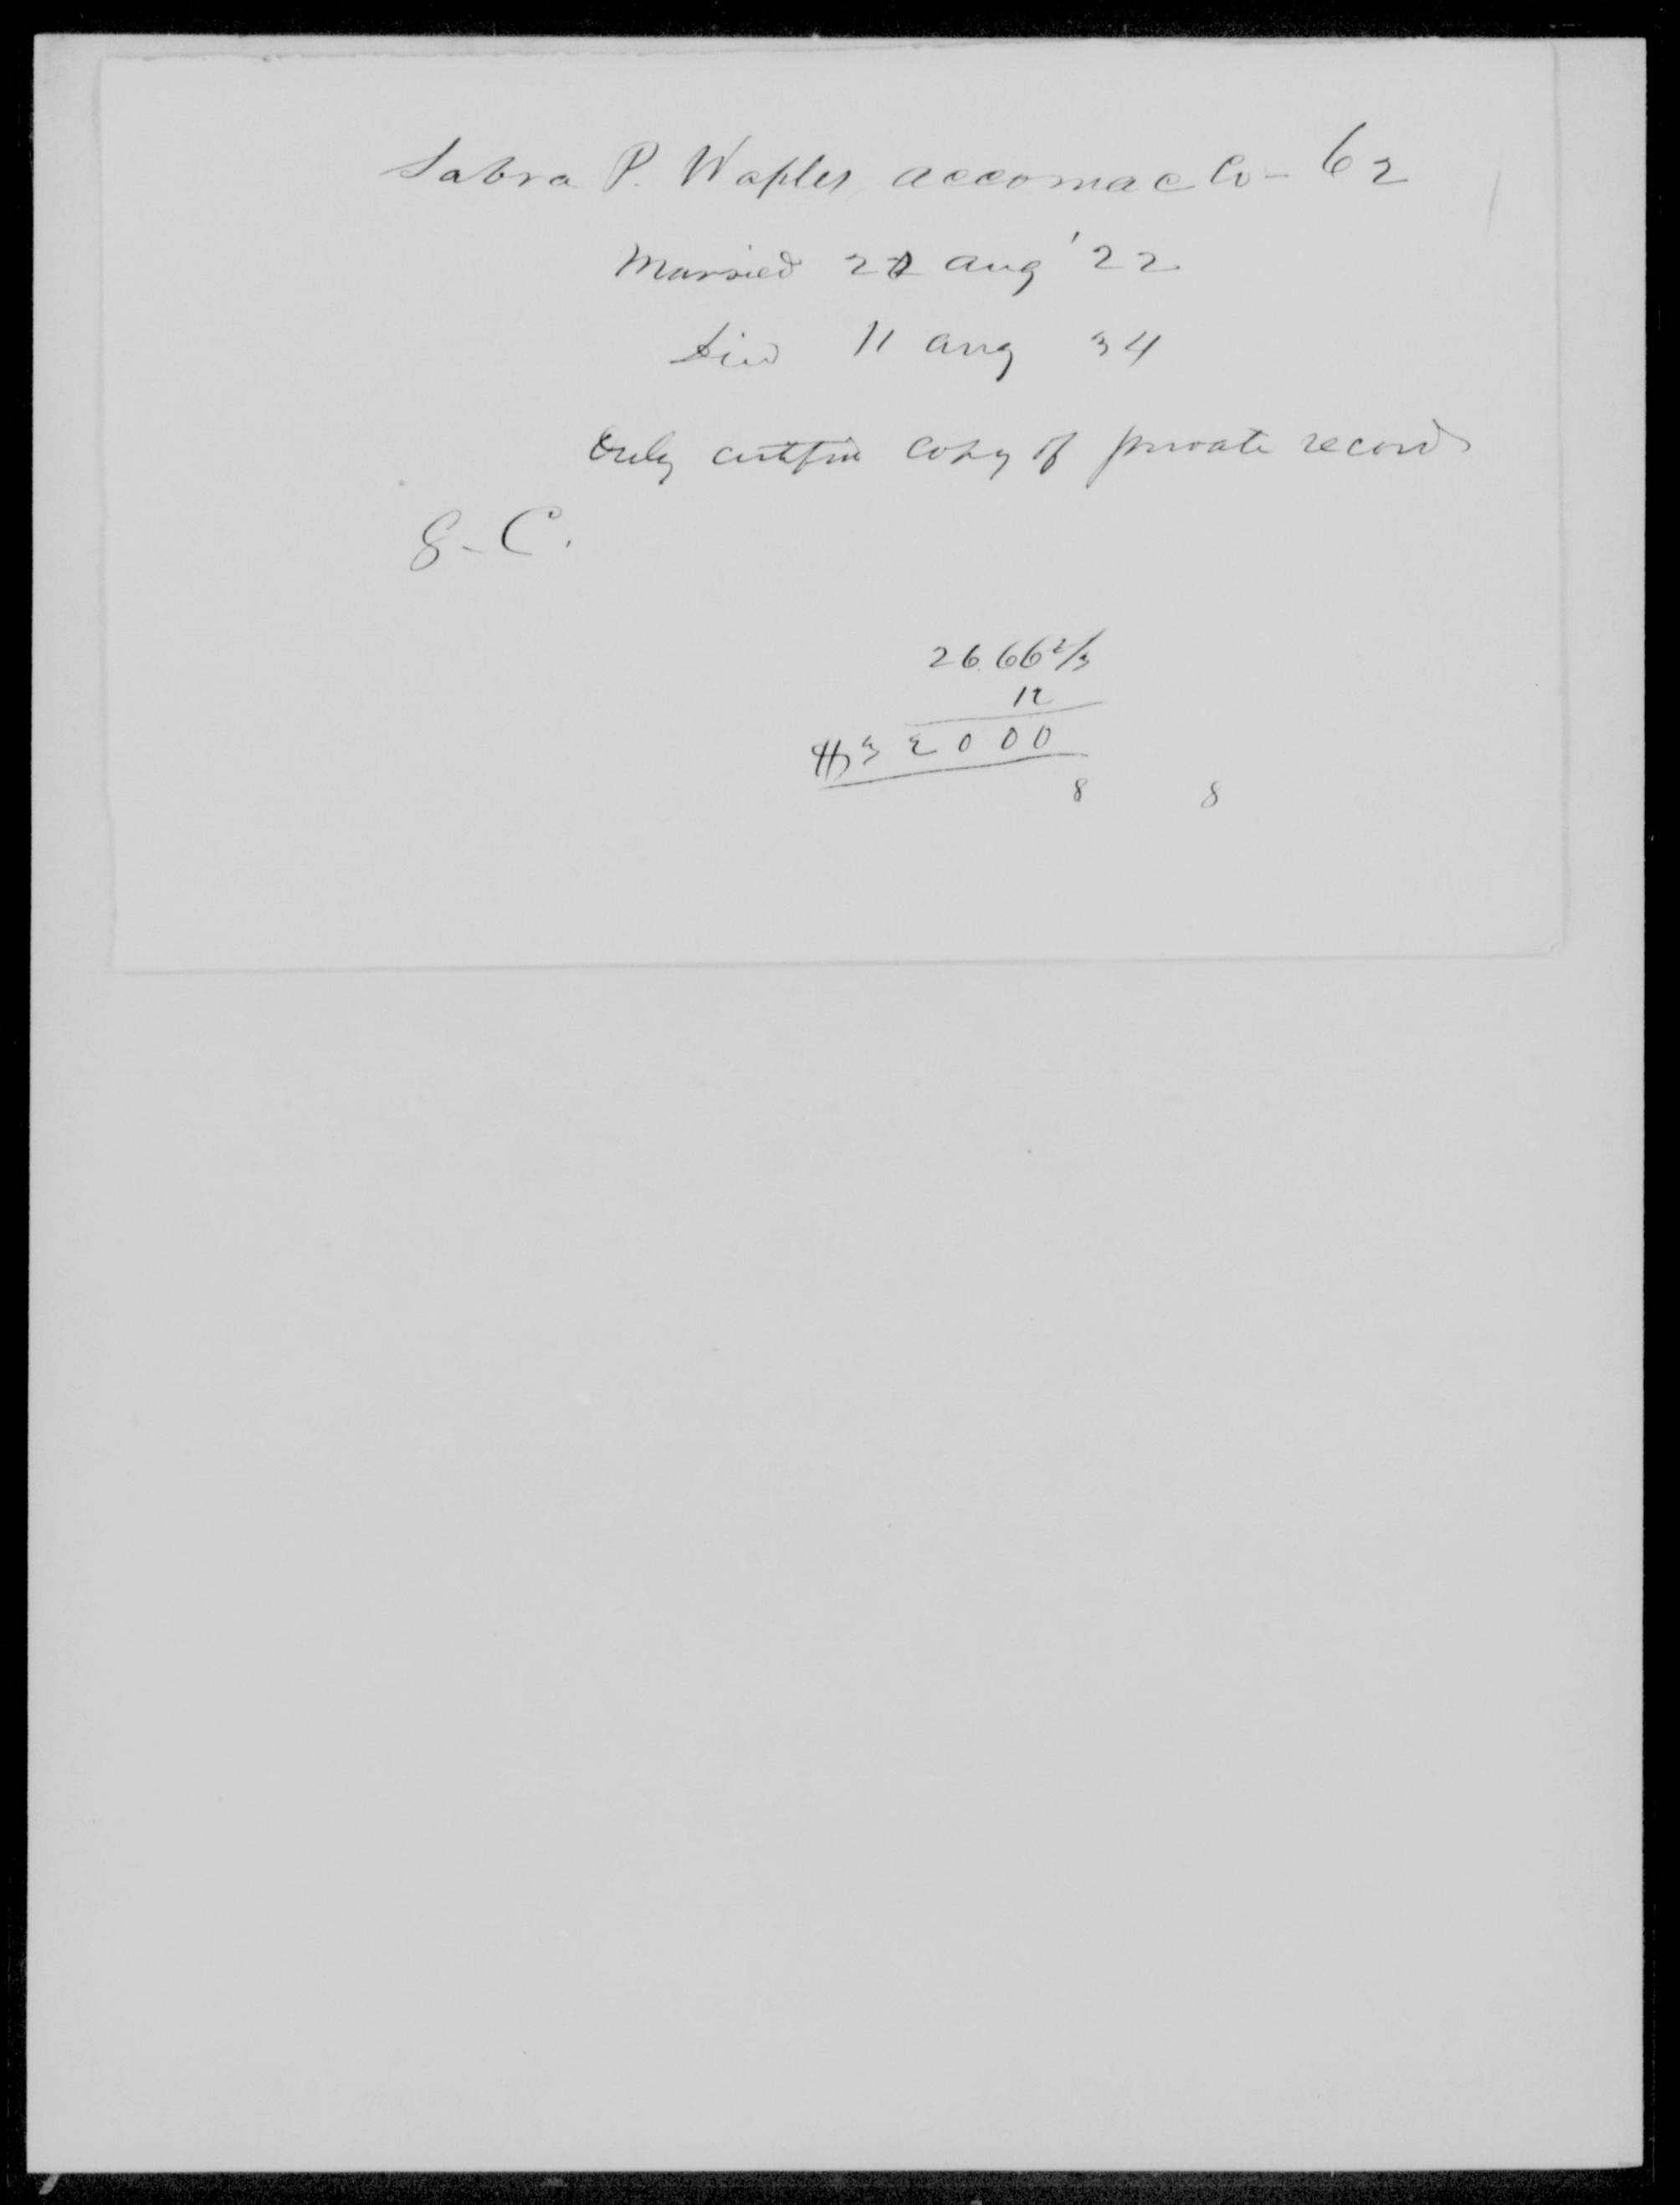Sabra P. Waples Accomac Co - 62

Married 22 Aug 22
Died 11 Aug 34
Only certified copy of private record
S. C.

26 66 2/3
12 
----------
$320 00
----------

8 8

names: Sabra P Waples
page: 29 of 59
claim: widow's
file: W. 6427, Samuel Waples, Va.